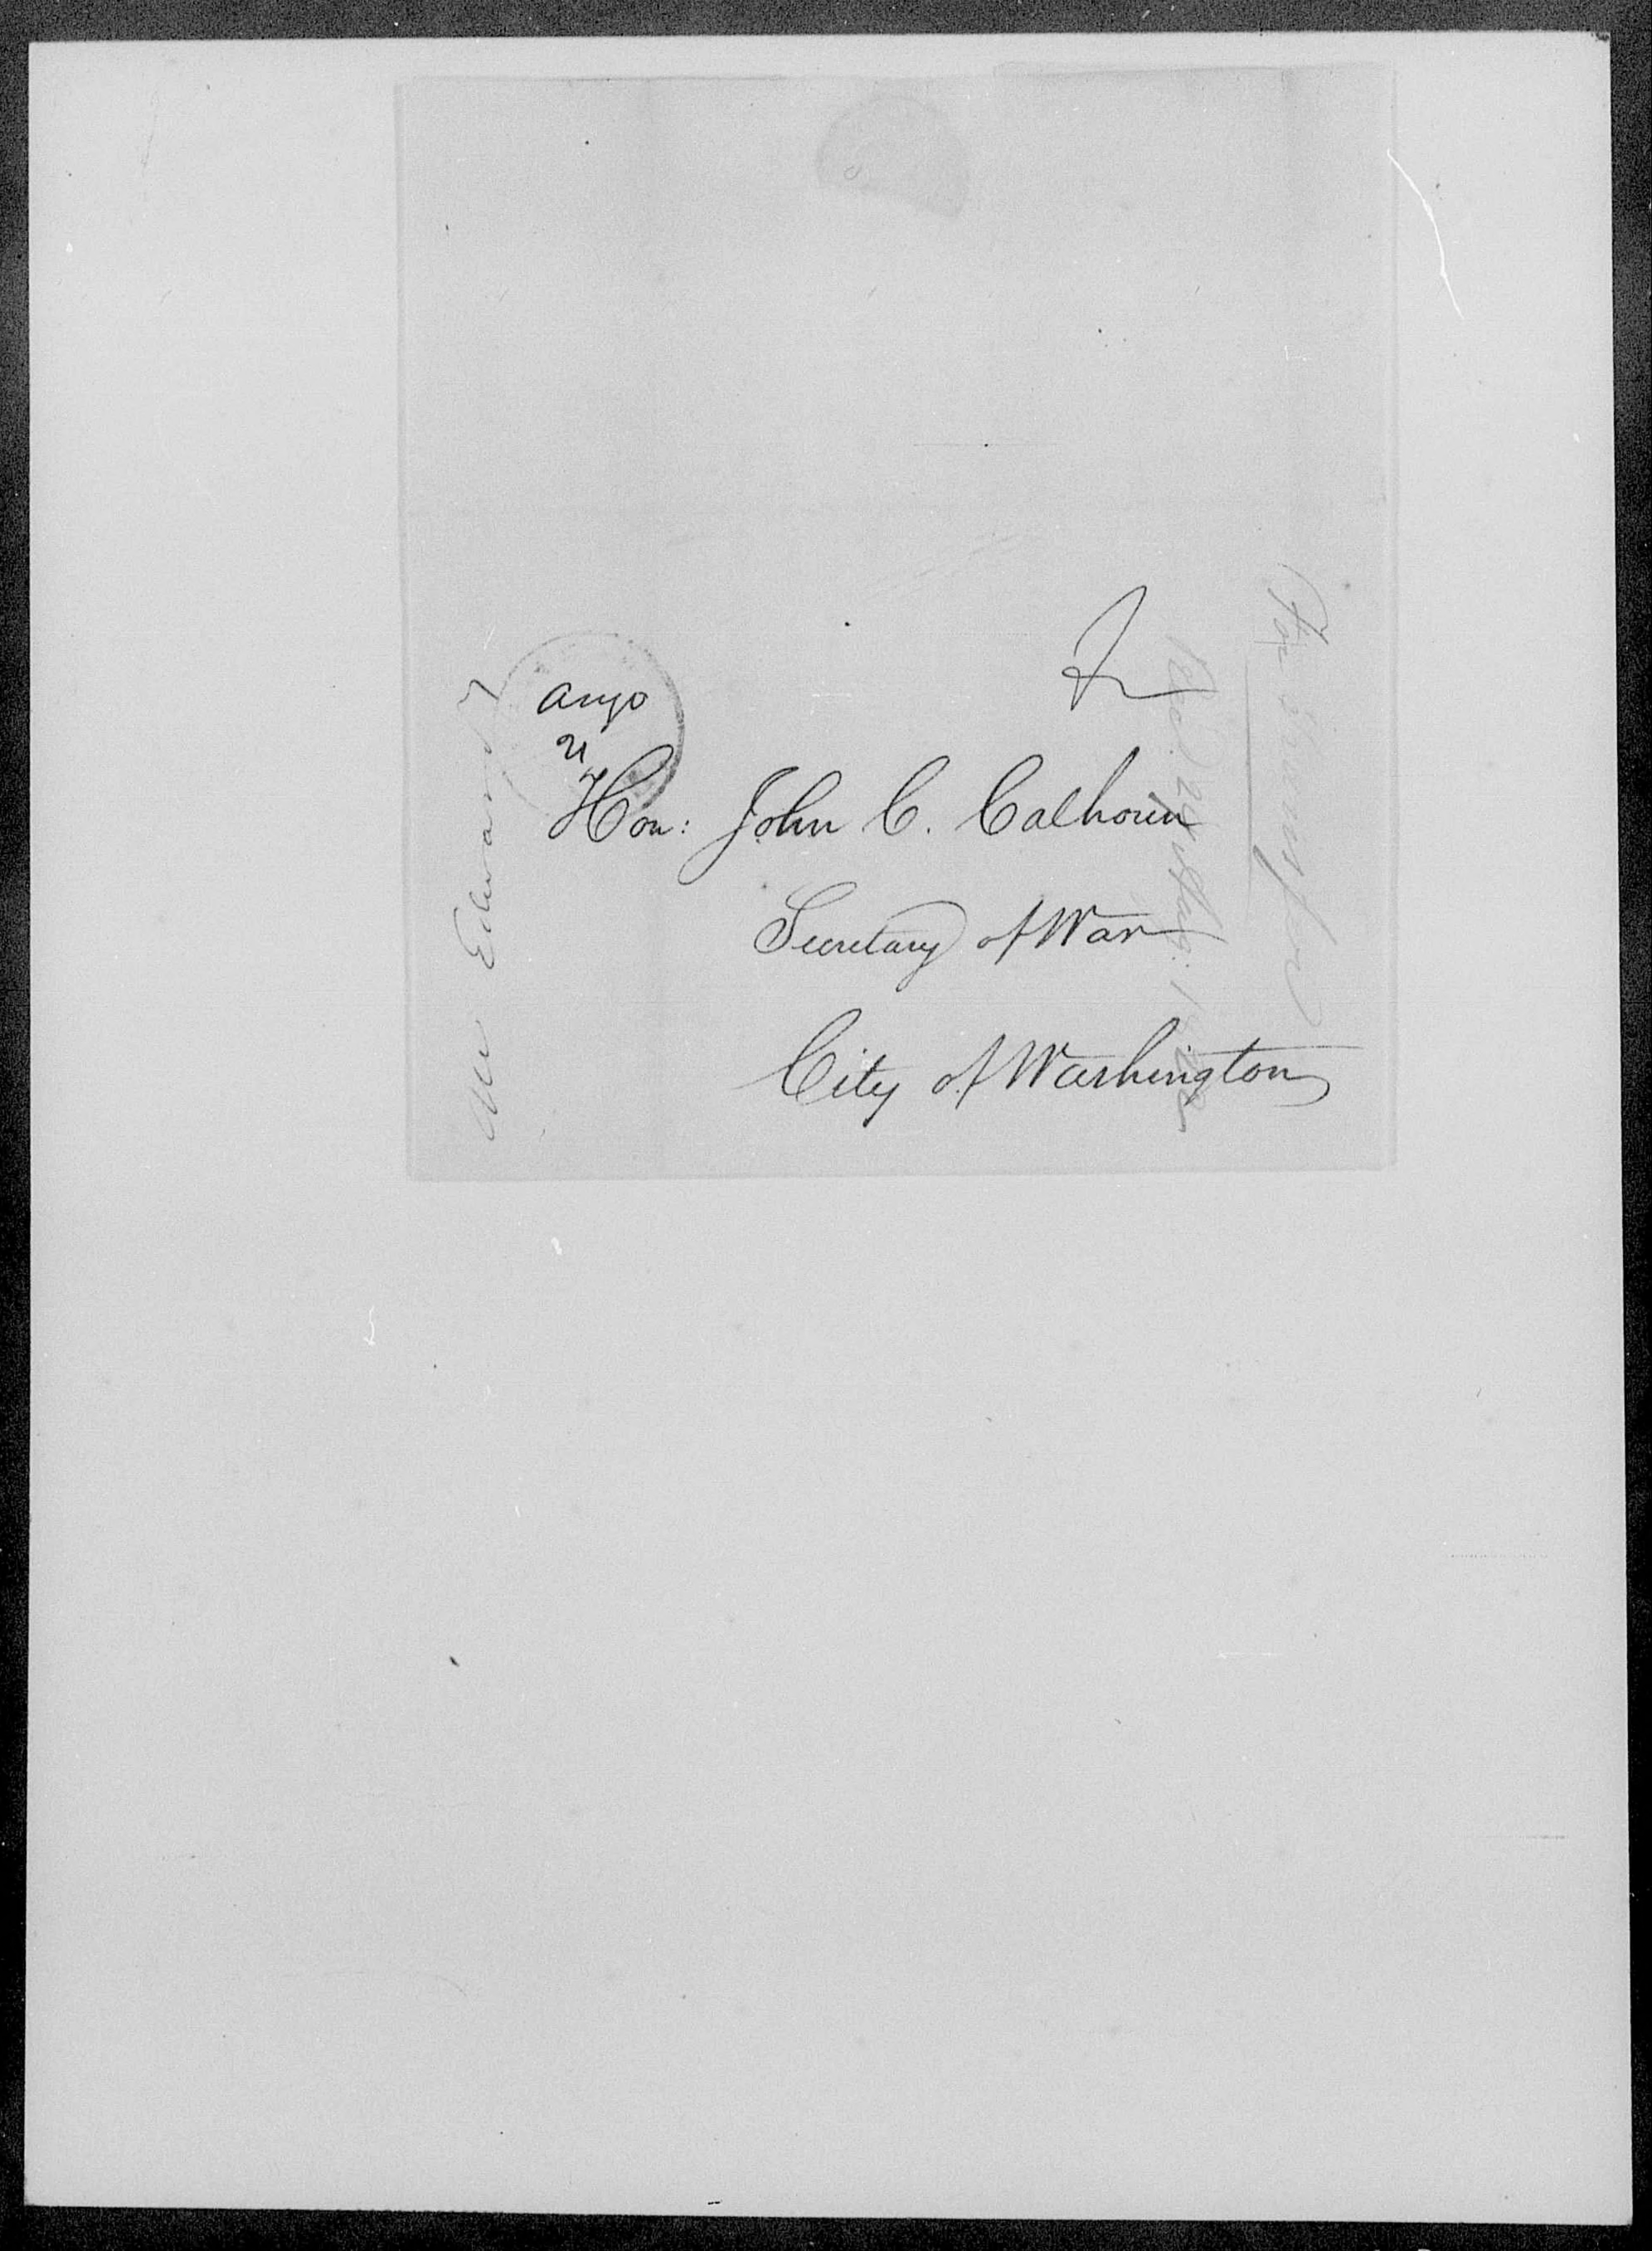[illegible] 
Hon. John C. Calhoun
Secretary of War
City of Washington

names: John C Calhoun, Edwards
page: 11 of 22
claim: survivor's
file: S 44445, Jacob Hodsdon, Mass.